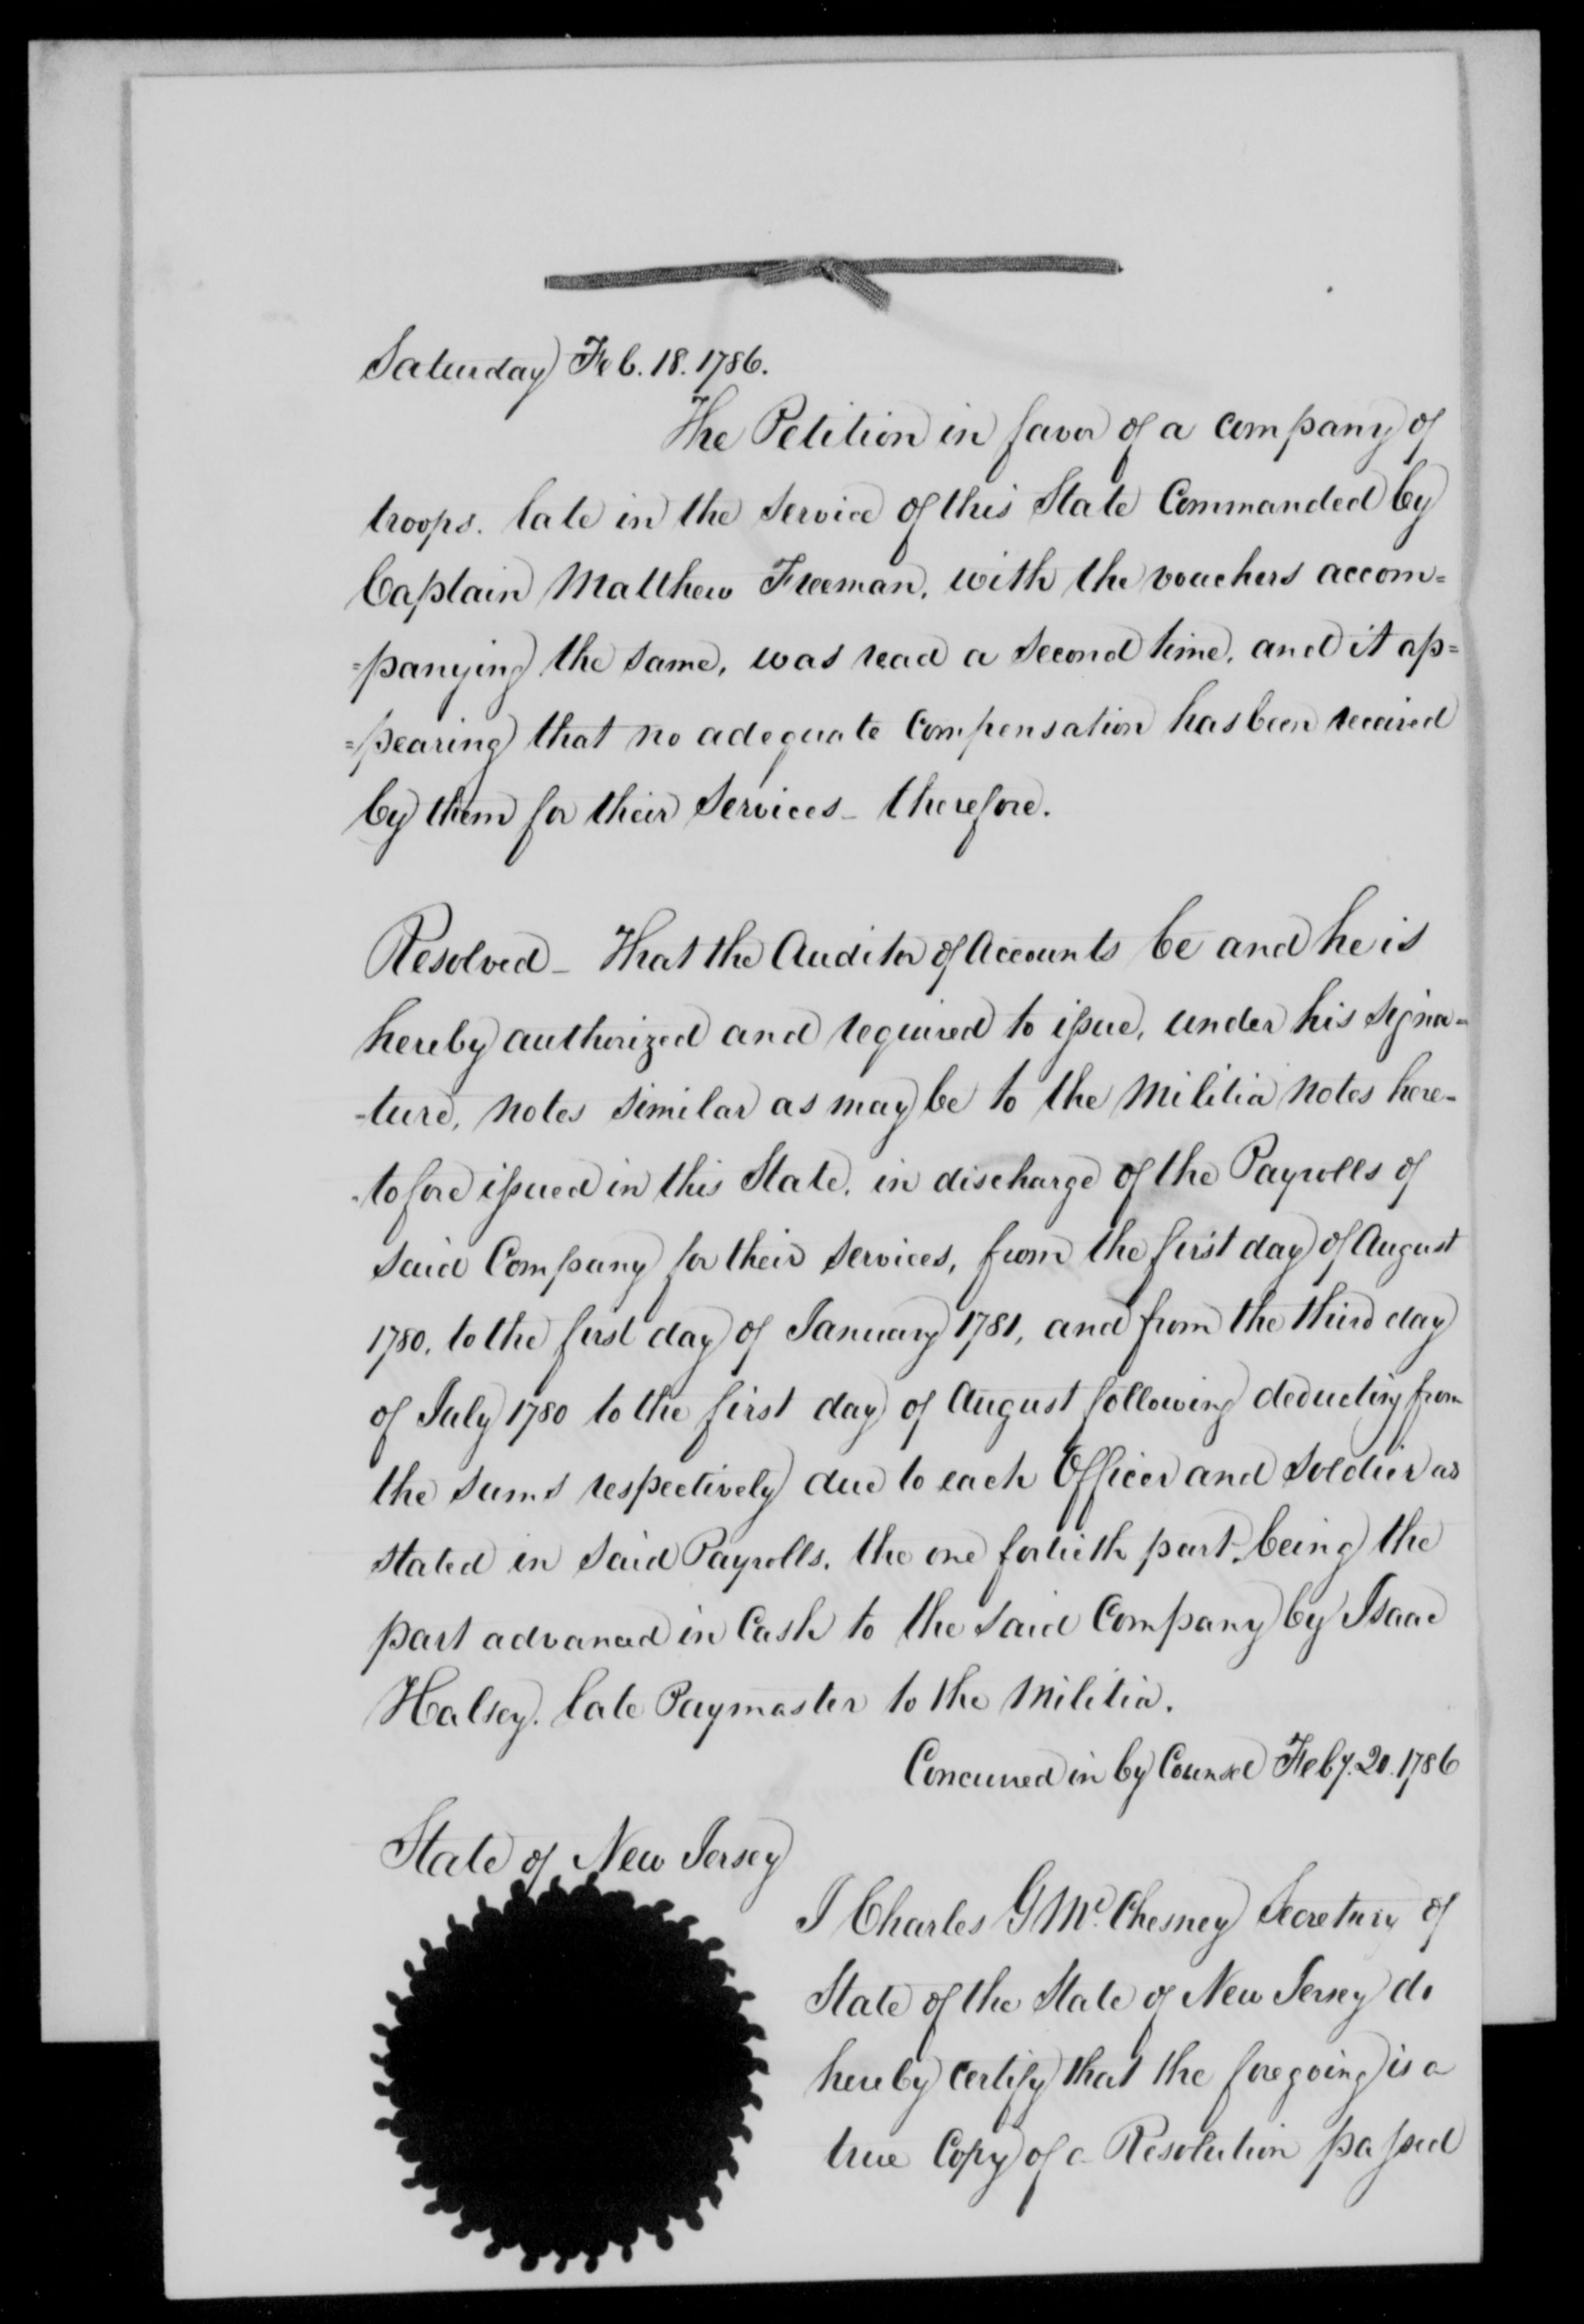Saturday Feb.18.1786.
     The Petition in favor of a company of troops late in the service of this State commanded by Captain Matthew Freeman, with the vouched accompanying the same, was read a second time, and it appearing that no adequate compensation has been received by them for their services- therefore.

Resolved_ That the Auditor of Accounts be and he is hereby authorized and required to issue, under his signature notes similar as may be to the Militia notes heretofore issued in this State, in discharge of the Payrolls of said Company for their services, from the first day of August 1780 to the first day of January 1781,  and from the third day of July 1780 to the first day of August following deducting from the sums respectively due to each Officer and Soldier as stated in said Payrolls, the one fortieth part being the part advanced in cash to the said Company by Issac Halsey, late Paymaster to the Militia.
         Concurred in by Counsel Feby.21.1786
Seal of New Jersey
                      
   I Charles G. McChesney Secretary of State of the State of New Jersey hereby certify that the foregoing is a true copy of a Resolution passed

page: 57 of 101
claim: widow's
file: W. 25481, for Peter V Tilyou, New Jersey